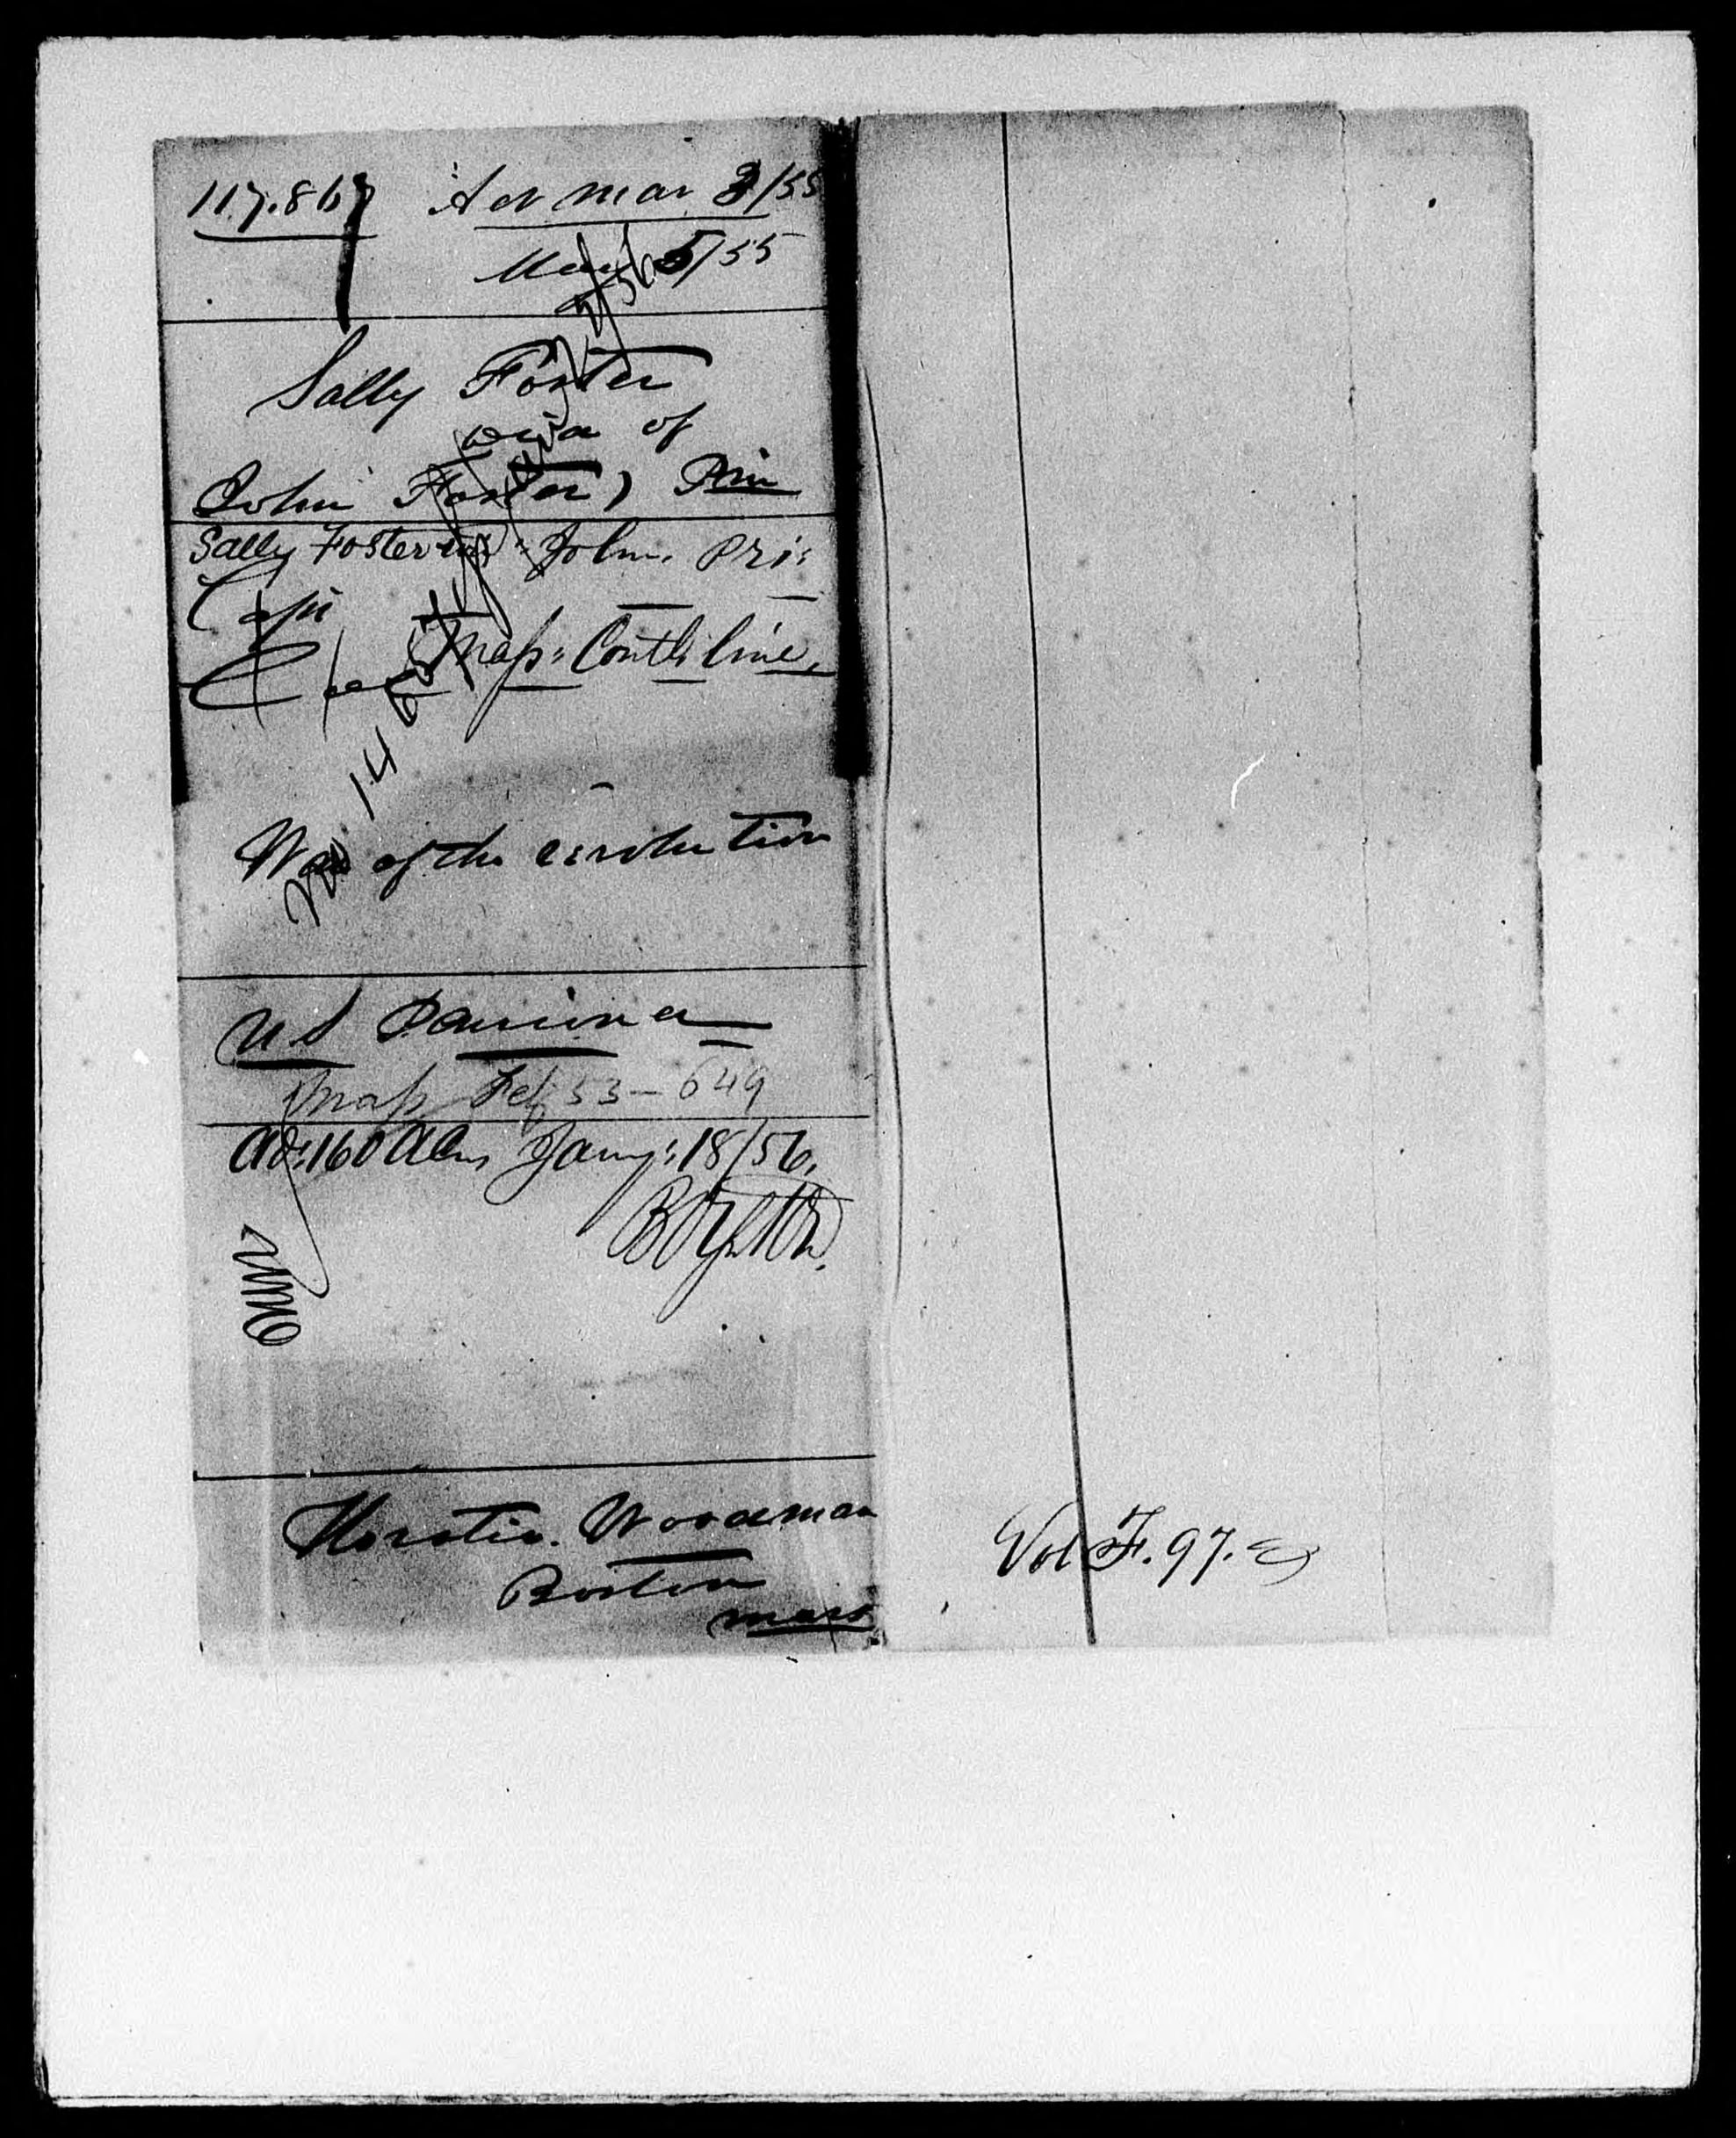117.86
Act Mar 3/35
May 5/55
Sally Foster Widow of John Foster Priv
Sally Foster wid John Pri
Capt 
Col
Mass Contl. line.
War of the revolution
US Pensioner
Mass Feb 53 - 649
Ad:160 A;ms Kamu 18/56.
Boynton
Horatio Woodman
Boston Mass
Vol F. 97
Written across page:
14657 iss June 22/56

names: Horatio Woodman, Sally Foster, Boynton, John Pris, Sally Foster, John Foster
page: 4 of 47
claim: widow's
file: W. 7,302, John Foster, Continental Mass. R.I.